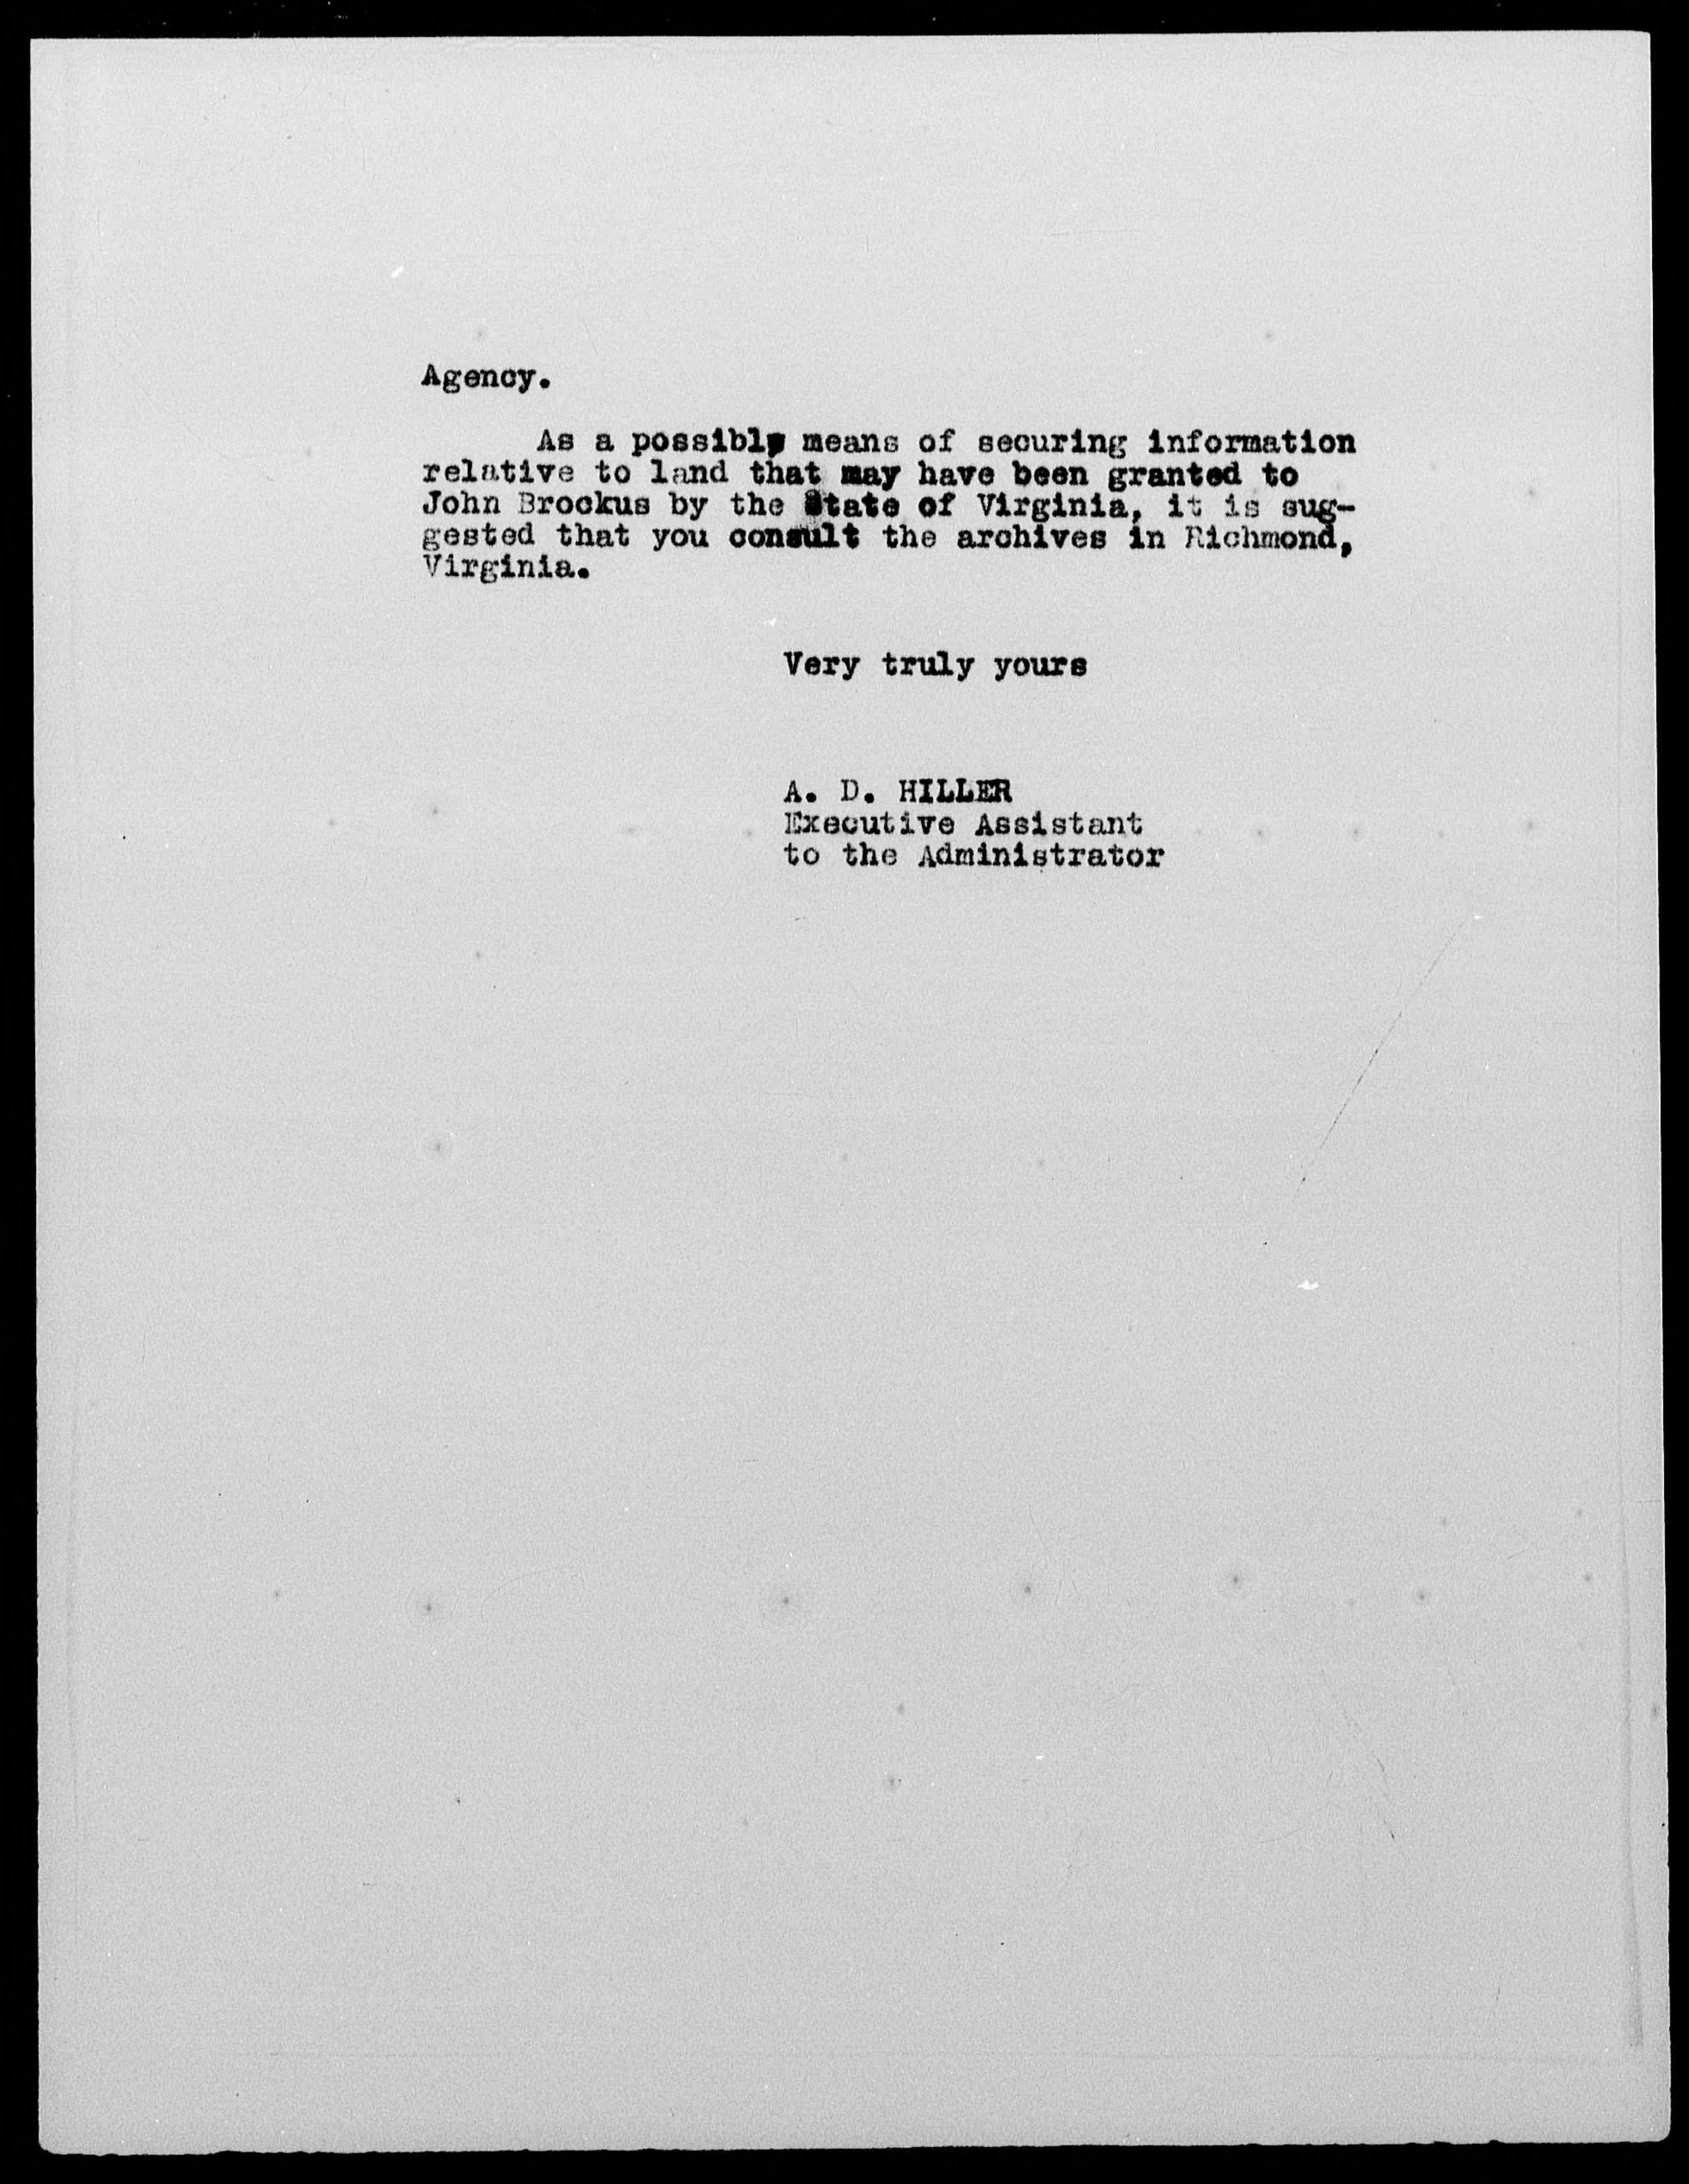Agency.
As a possible means of securing information relative to land that may have been granted to John Brockus by the State of Virginia, it is suggested that you consult the archives in Richmond, Virginia.
Very truly yours
A. D. HILLER
Executive Assistant to the Administrator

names: John Brockus, A D Hiller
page: 11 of 19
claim: survivor's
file: S. 39,224, John Brockus, Va.